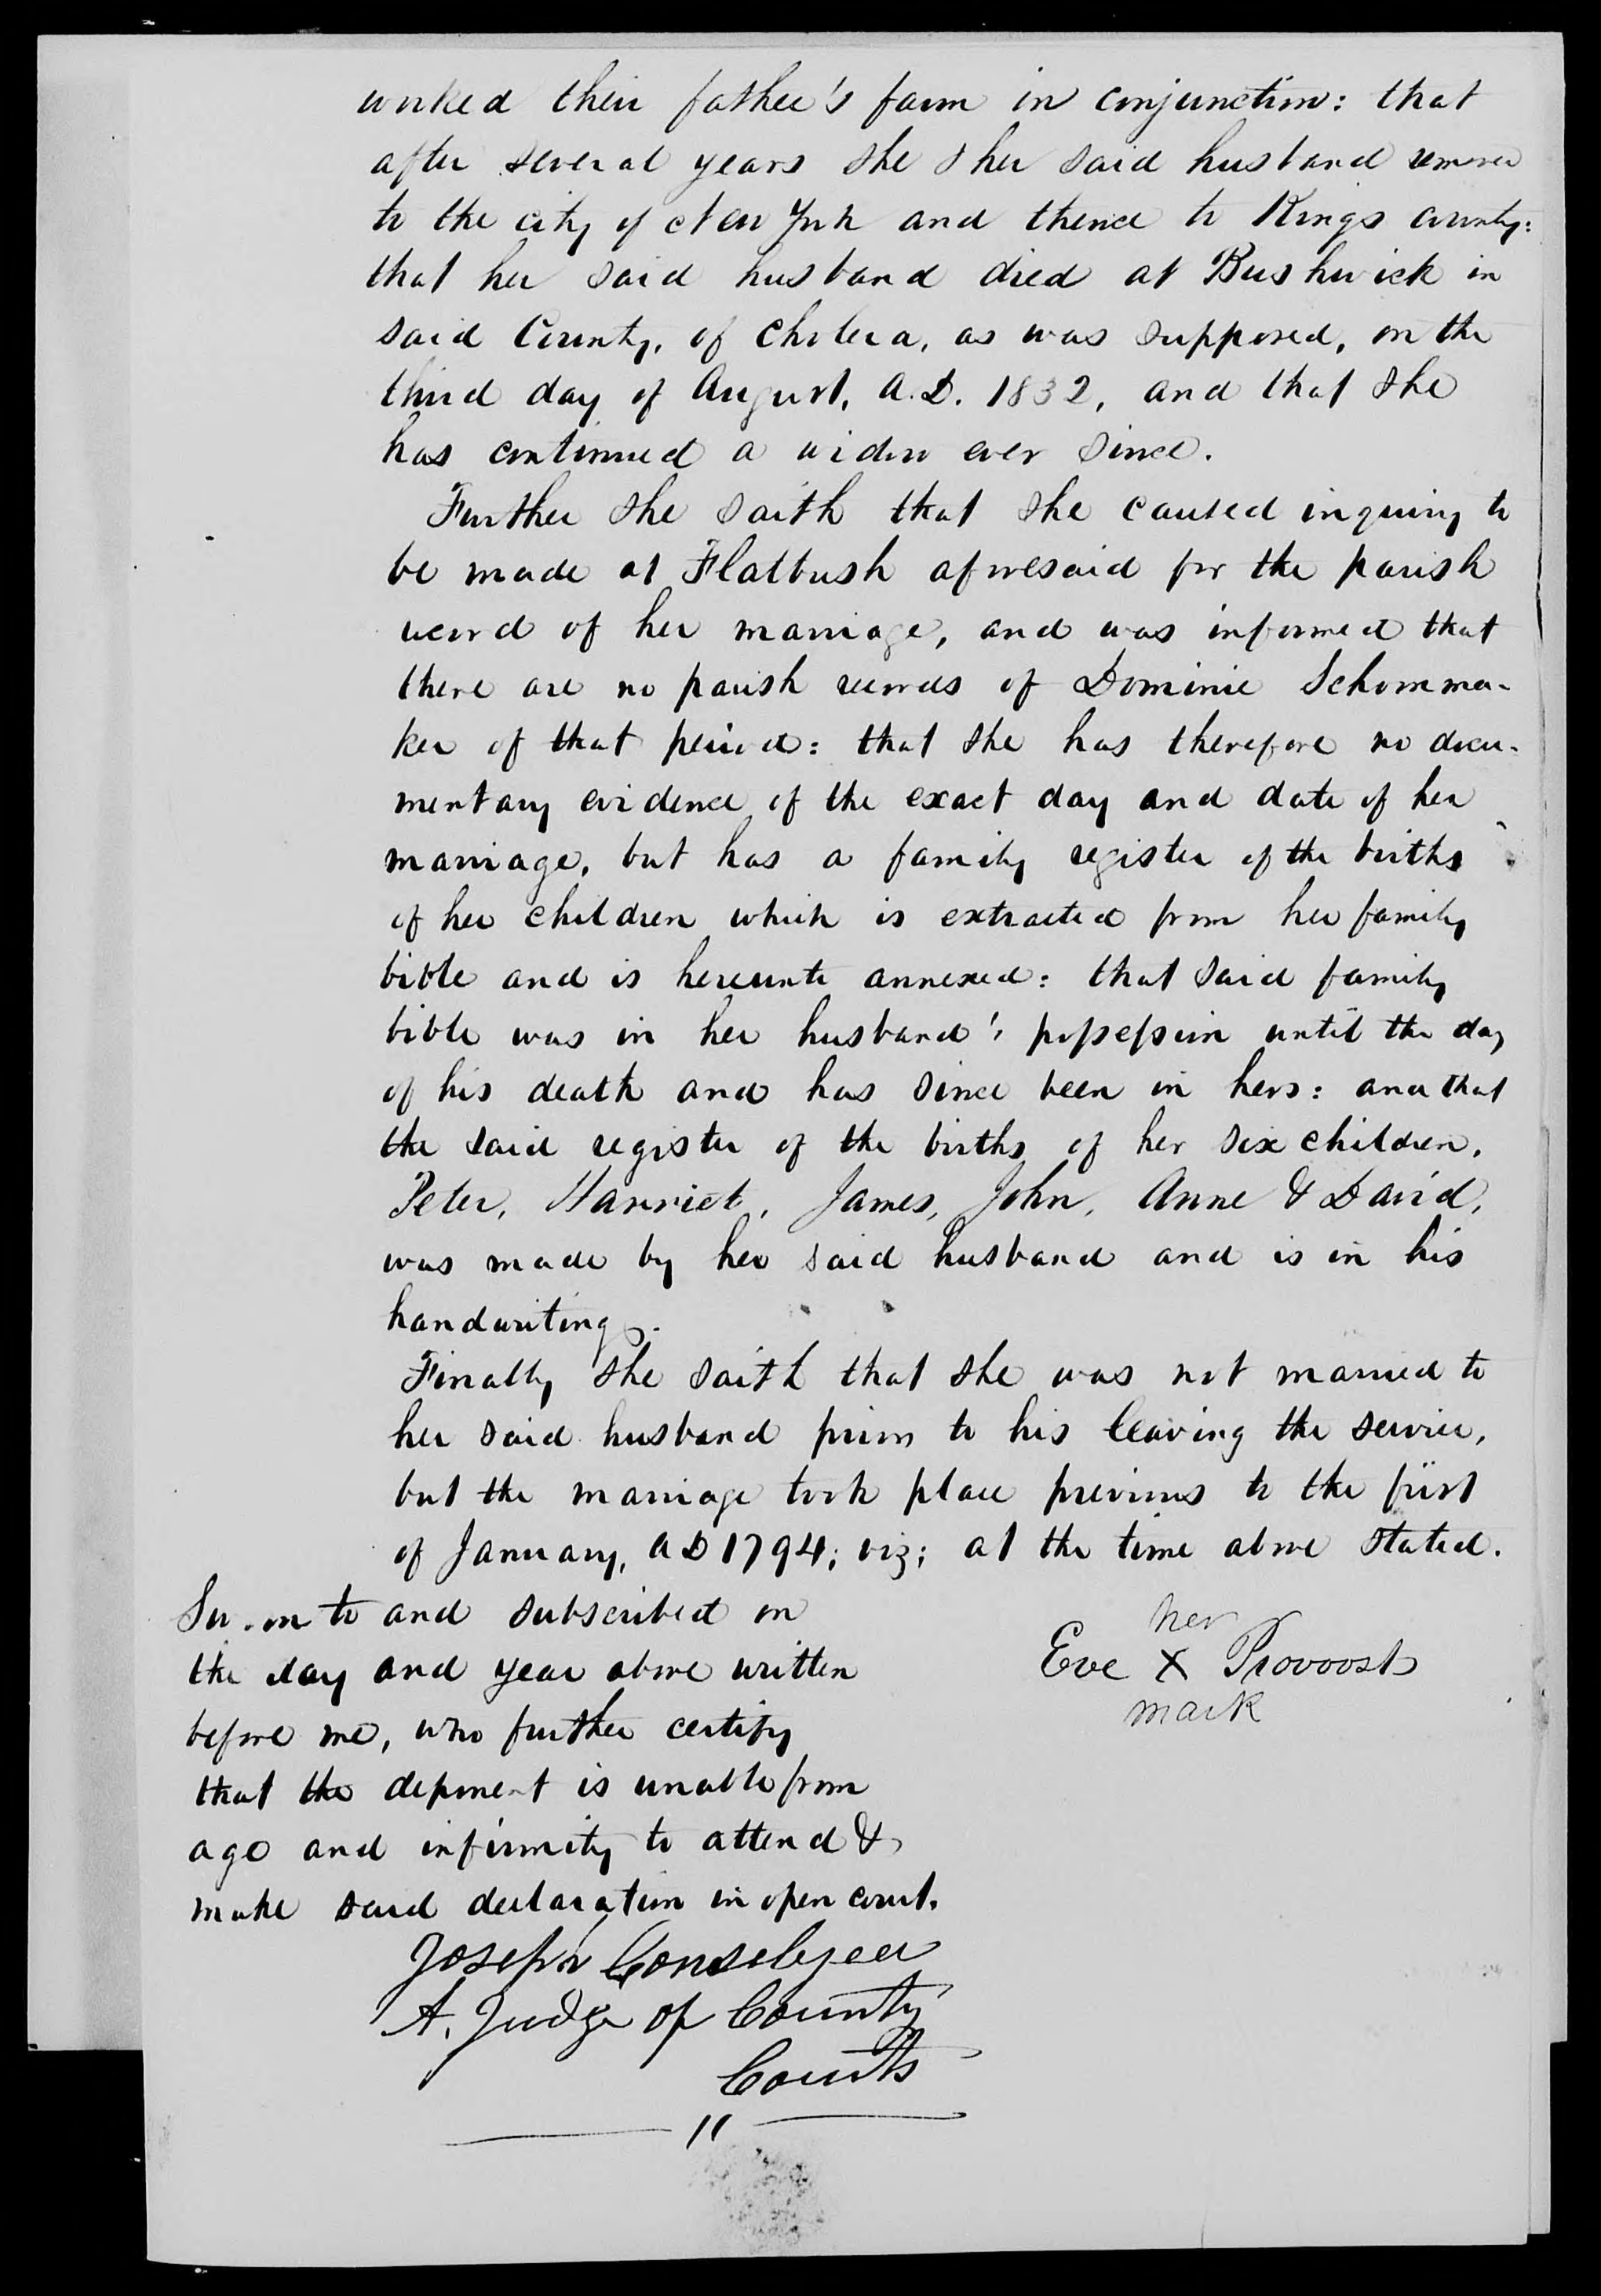worked their father's farm in conjunction: that after several years she & her said husband removed to the city of New York and thence to Kings County that her said husband died at bushwick in said County, of cholera, as was supposed, on the third day of August A.D. 1832, and that she has continued a widow ever since. Further she saith that she caused inquiry to be made at Flatbush aforesaid for the parish ward of her marriage, and was informed that there are no parish records of Dominic Schommaker of that period: that she has therefore no documentary evidence of the exact day and date of her marriage, but has a family register of the births of her children which is extracted from her family bible and is hereunto annexed: that said family bible was in her husband's possession until the day of his death and has since been in hers: and that the said register of the births of her six children, Peter, Harriet, James, John, Ann & David, was made by her said husband and is in his handwriting. Finally, she saith that she was not married to her said husband prior to his leaving the service, but the marriage took place previous to the first of January, AD 1794; viz; at the time above stated. Eve Provoost her mark.
Sworn to and subscribed in the day and year above written before me, who further certify that the deponent is unable from age and infirmity to attend & make said declaration in open court. Joseph Conselyeer A Judge of County Courts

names: Harriet [BLANK]; Eve Provoost; Joseph Conselyea; Peter [BLANK]; James [BLANK]; Anne [BLANK]; David [BLANK]; John [BLANK]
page: 8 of 19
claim: rejected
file: R. 8454, for John Provoost, New Jersey